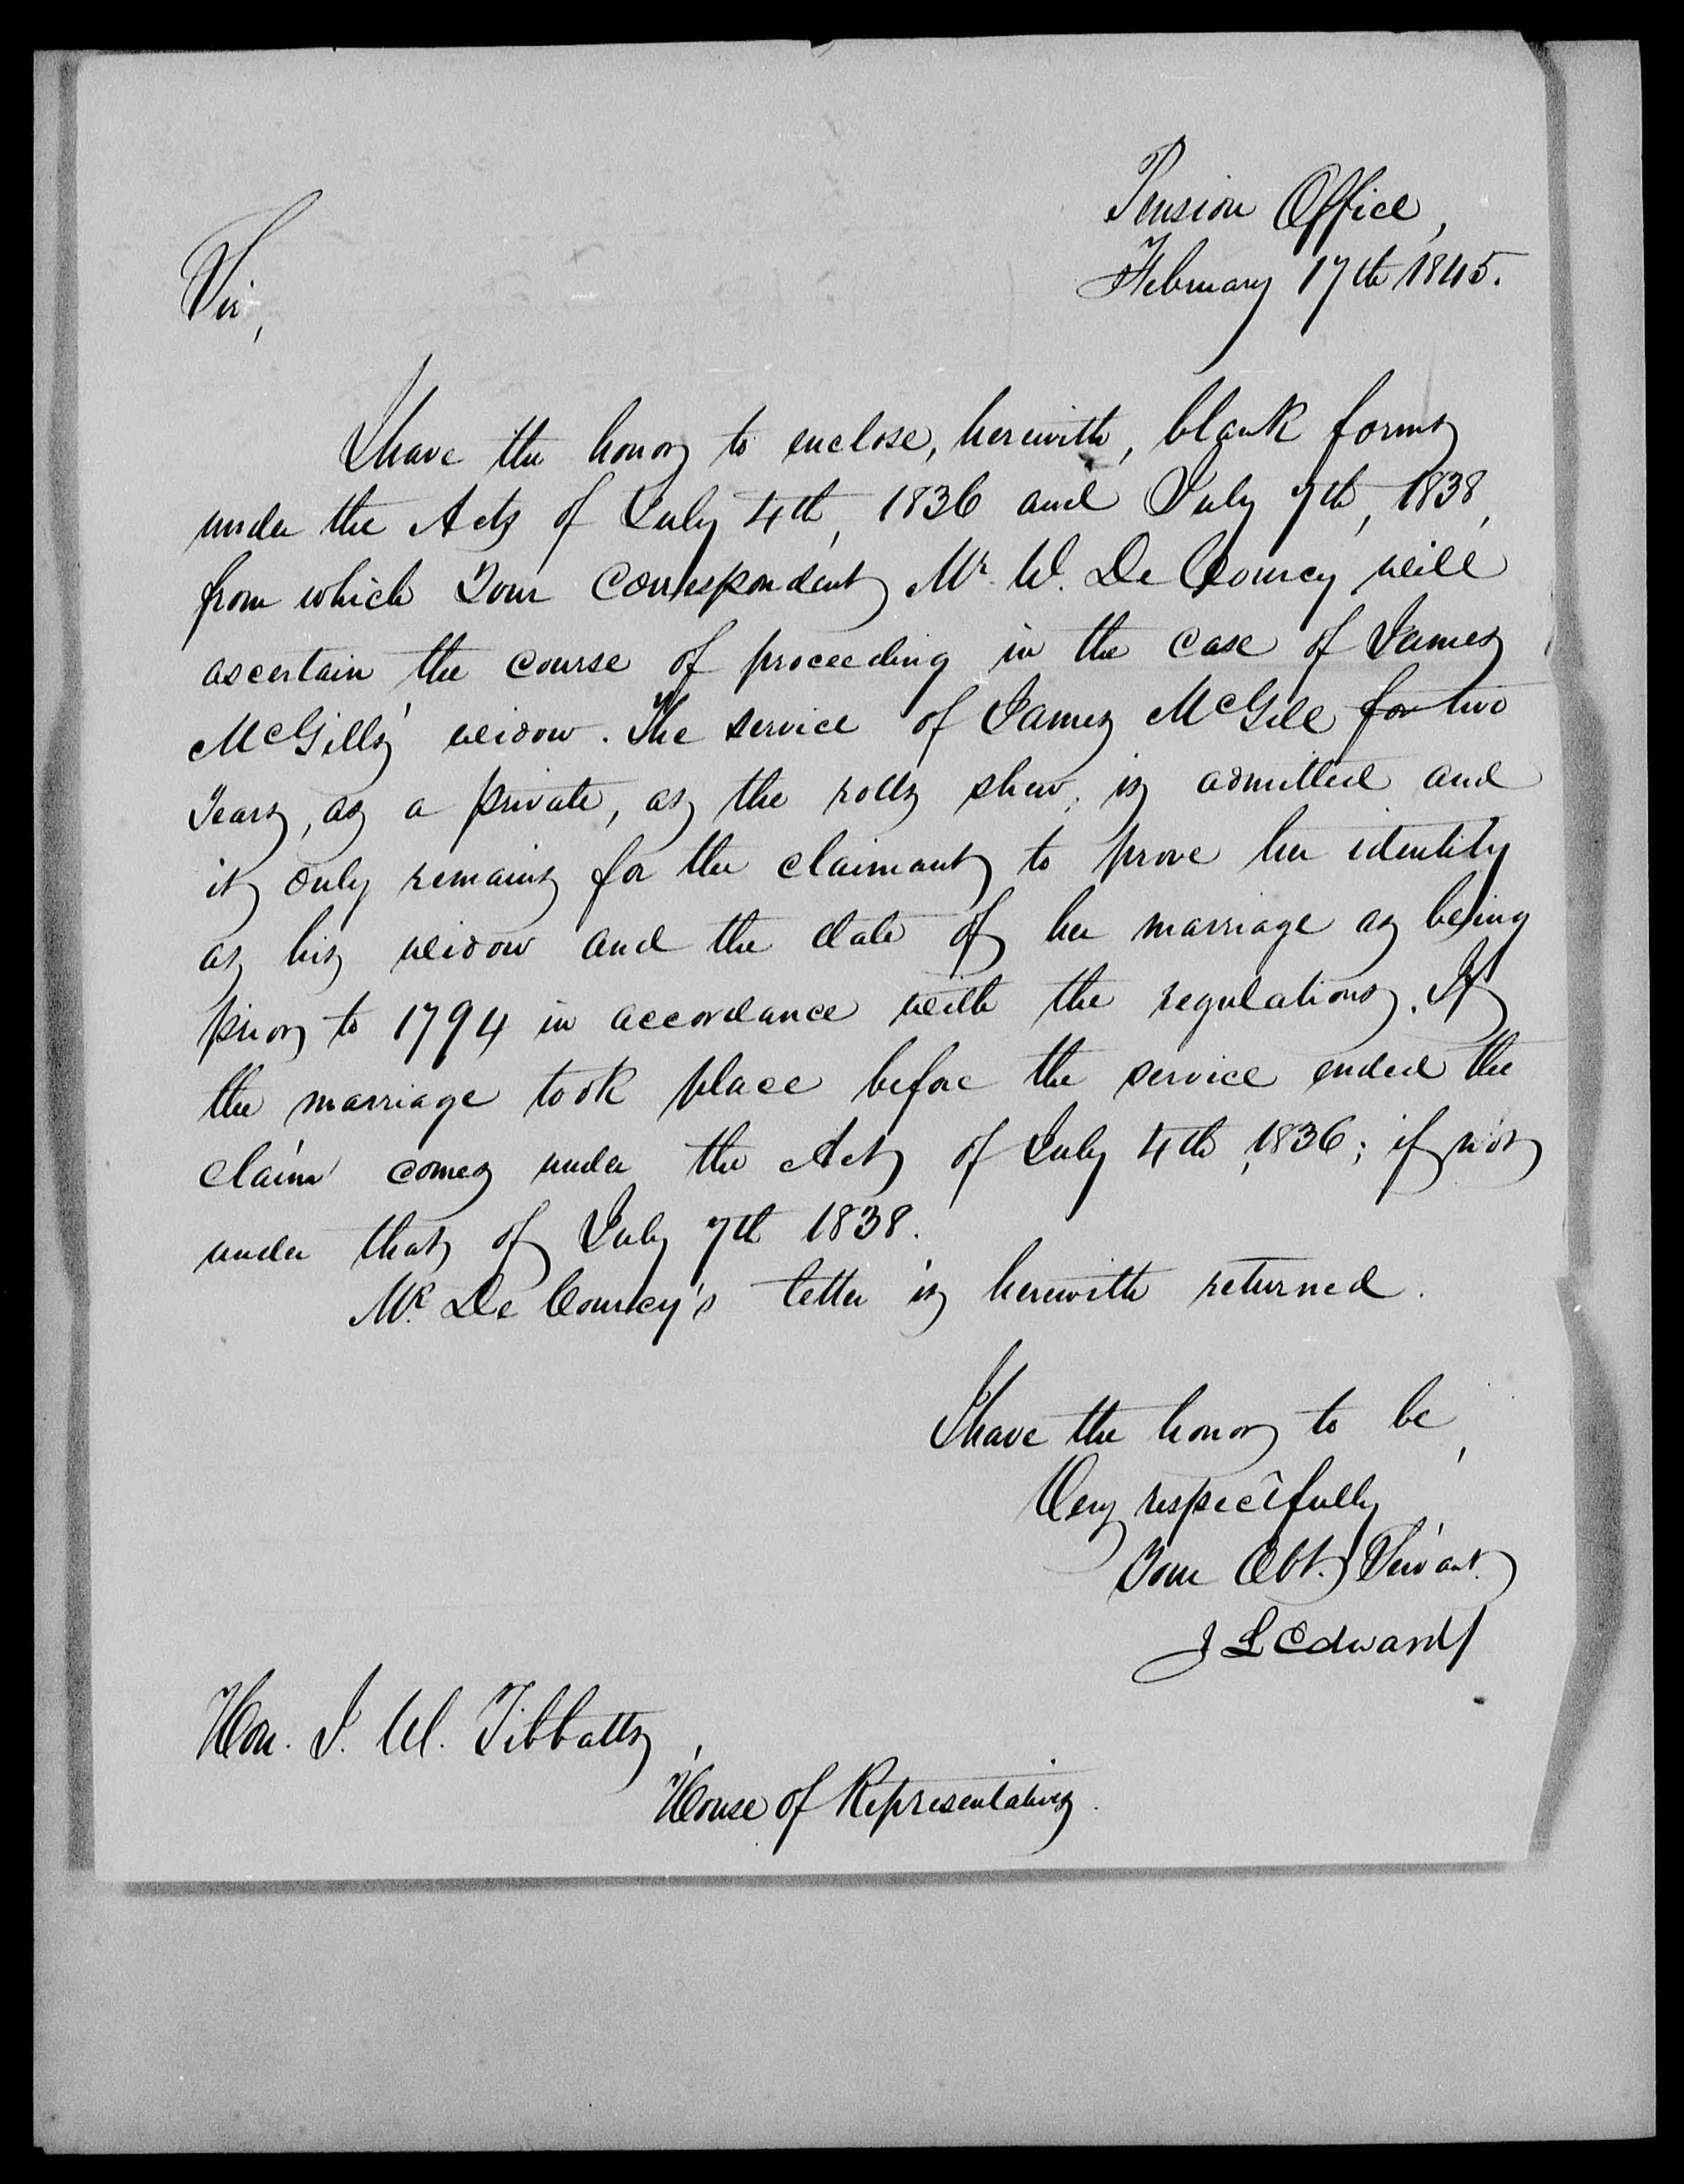Image 95		4160873_00095               
Fold3 File #23857261  
[Letter] 
Pension Office, February 17th 1845 
Sir,  
I have the honor to enclose, herewith, blank forms under the Acts of July 4th, 1836 and 
July 7th, 1838, from which your correspondent Mr. W. Decourcy will ascertain the course of proceeding in the case of James McGills' [McGill's] widow. The service of James McGill for two years, as a private, as the rolls show is admitted and it only remains for the claimant to prove her identity as his widow and the date of her marriage as being prior to 1794 in accordance with the regulations. If the marriage took place before the service ended the claim comes under the Act of July 4th, 1836; if not under that of July 7th 1838. 
Mr. DeCourcy's letter is herewith returned.
I have the honor to be, Very respectfully Your Obt. [obedient] Servant.  J. L. Edward

Hon. I. W. Tibbatts, House of Representatives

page: 37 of 71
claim: widow's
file: W. 8428, for James Mc Gill, Pennsylvania